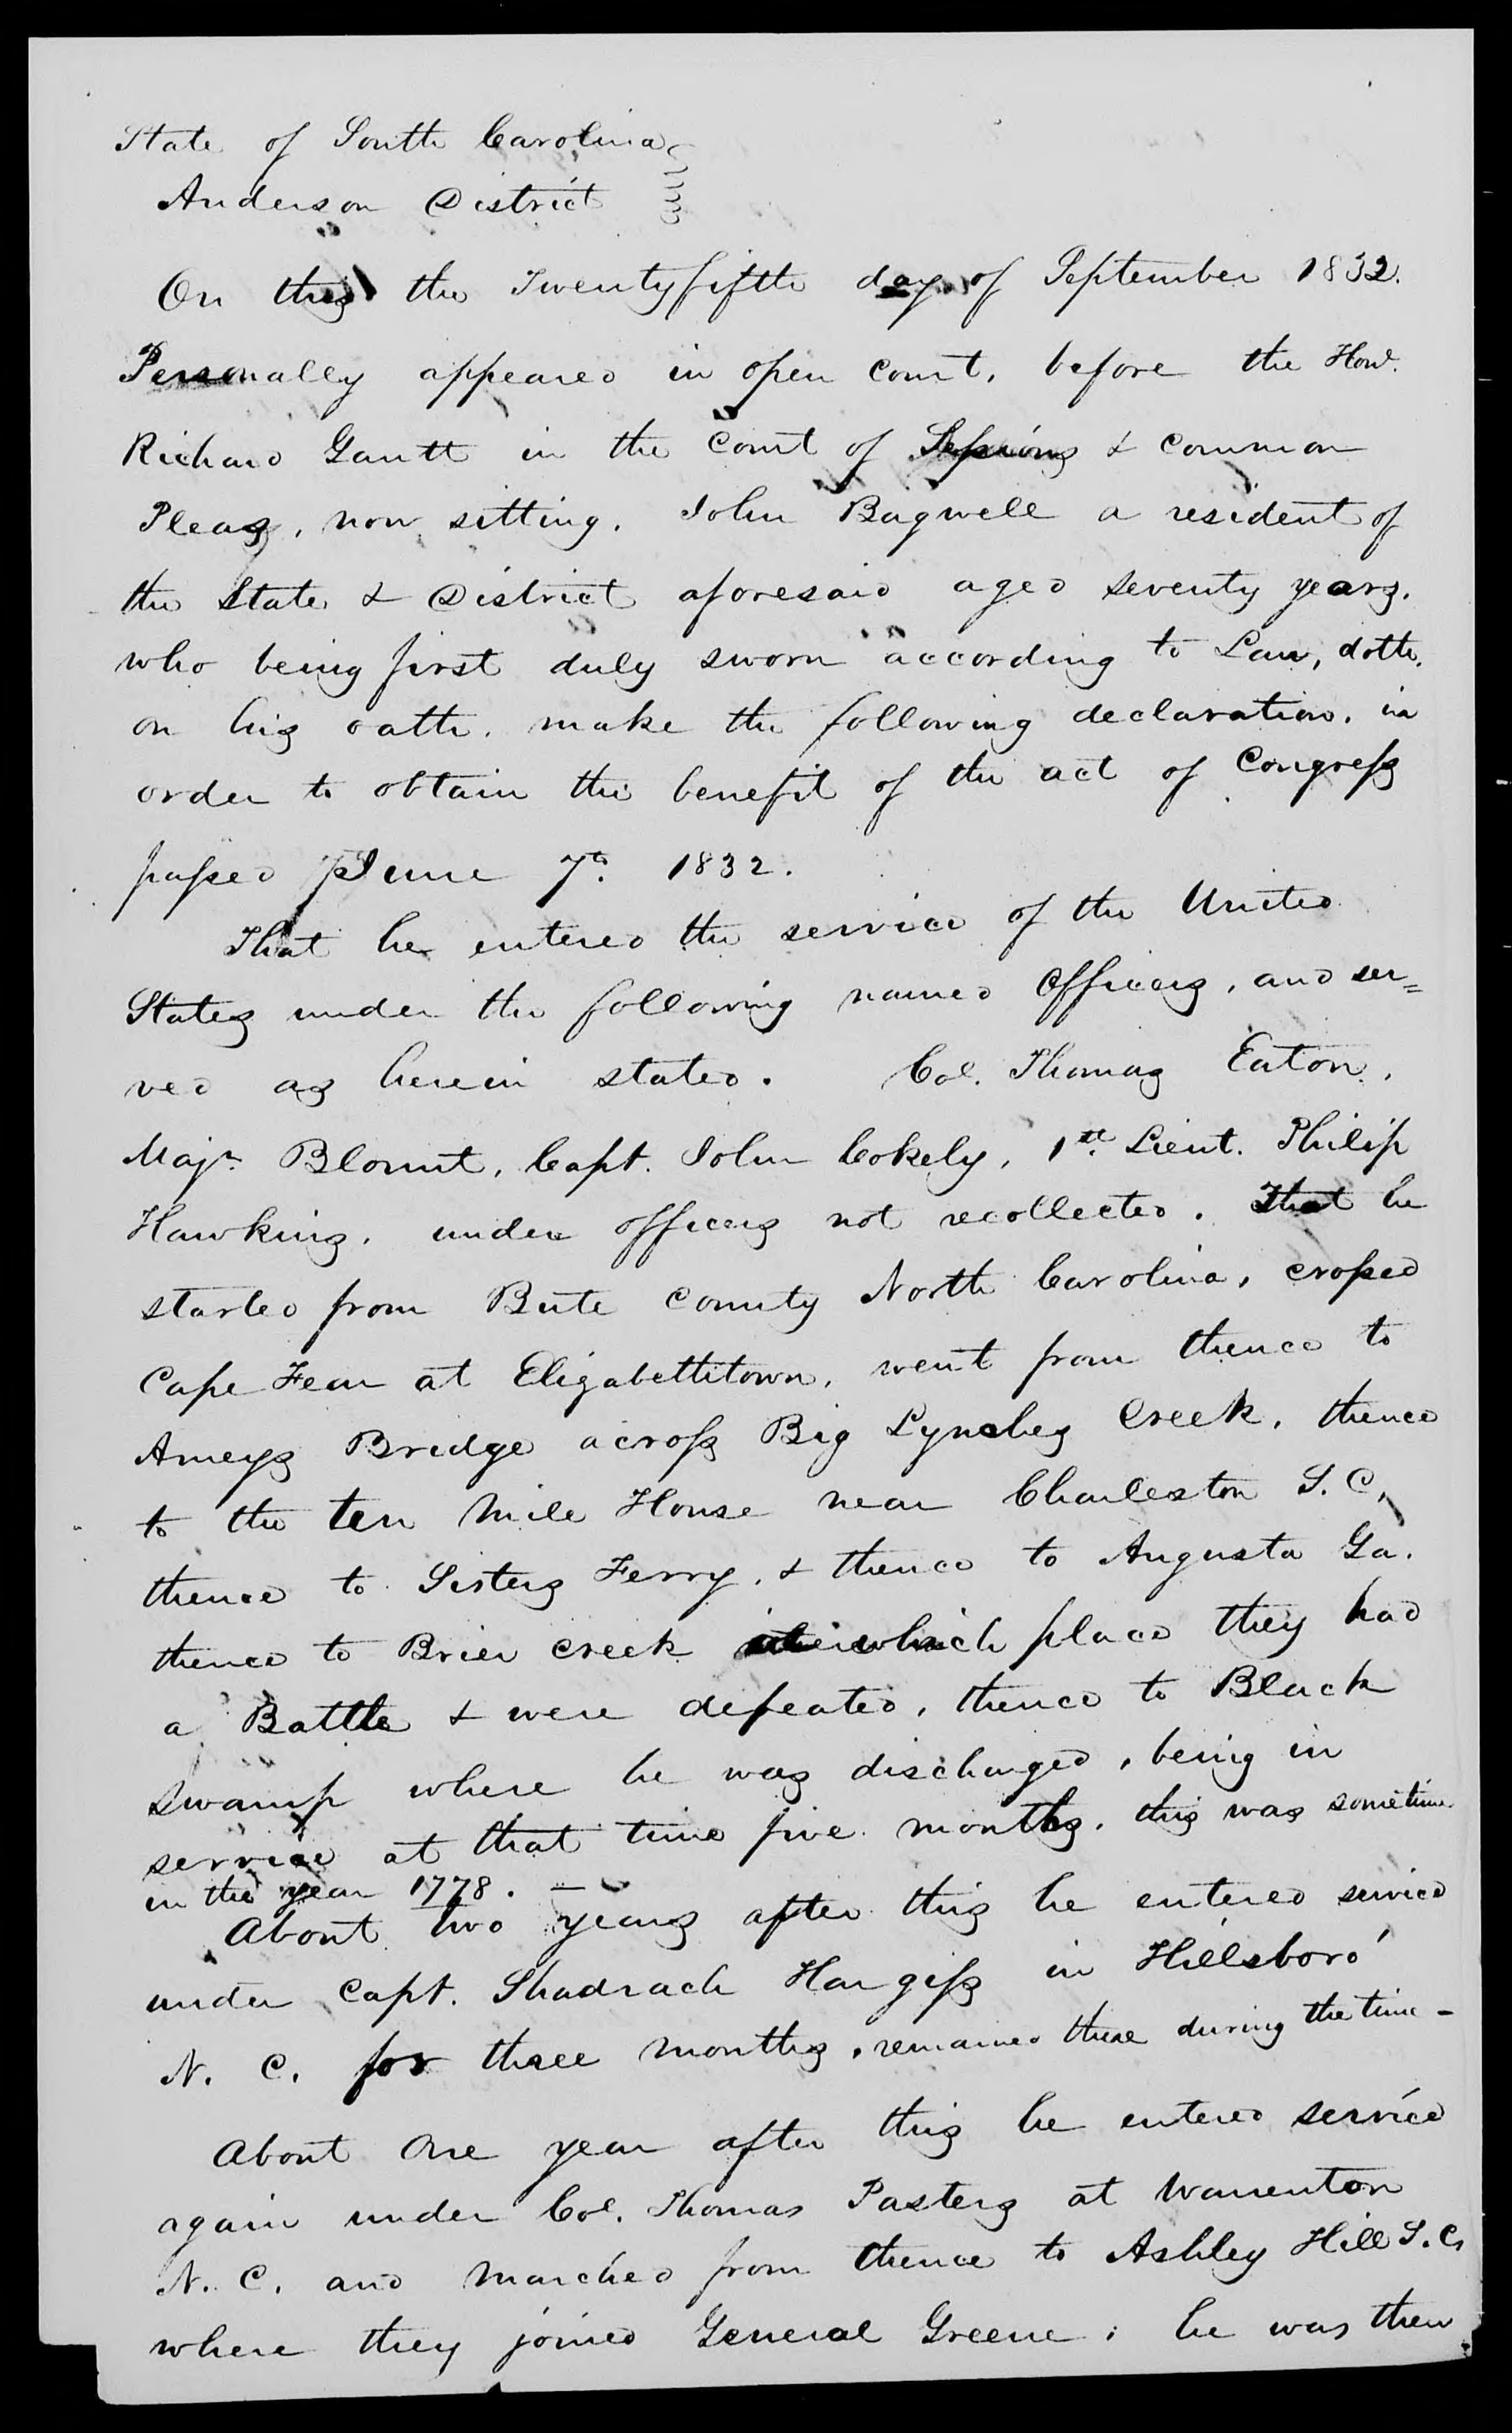State of South Carolina
Anderson District
On this the Twenty fifth day of September 1832
Personally appeared in open court, before
the How
Richard Gantt in the Court of Sessions & Common
Pleas, now sitting,
John Bagwell a resident of
the State & District aforesaid aged seventy years

who being first duly sworn according to Law, doth
on his oath make the following declaration in
order to obtain the benefit of the act of Congress
passed June 7th 1832.
That he entered the service of the United States
under the following named officers, and served

as herein stated.
Col. Thomas
Eaton,
Major Blount, Capt. John Cokely, 1st Lieut. Philip
Hawkins, under officers not recollected. That he
started from Bute County North Carolina, crossed
cape fear at Elizabethtown,
went from thence to
Ameys Bridge across Big Lynchey
Creek, thence
to the ten mile House
near Charleston S.C.
thence to Sisters Ferry & thence to Augusta Ga
thence to Brier Creek at which place they had
Battle & were defeated, thence to Black
Swamp
where
he was discharged, being in
service at that time five months.
this was sometime
in the year
1778
about two years after this he entered services
under Capt. Shadrach Hargiss
in
Hillsboro
N.C.
for three months, remained there during the
time about
one year after this he entered service
again under Col. Thomas Pasters at Warrenton
N.C. and marched from thence to Ashley Hill S.C.
where they joined
General Greene; he was then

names: Shadrach Hargiss, Blount, John Cokely, John Bagwell, Richard Gautt, Greene, Thomas Eaton, Philip Hawkins, Thomas Pasters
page: 3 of 36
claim: survivor's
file: S 6571, John Bagwell, N.C.